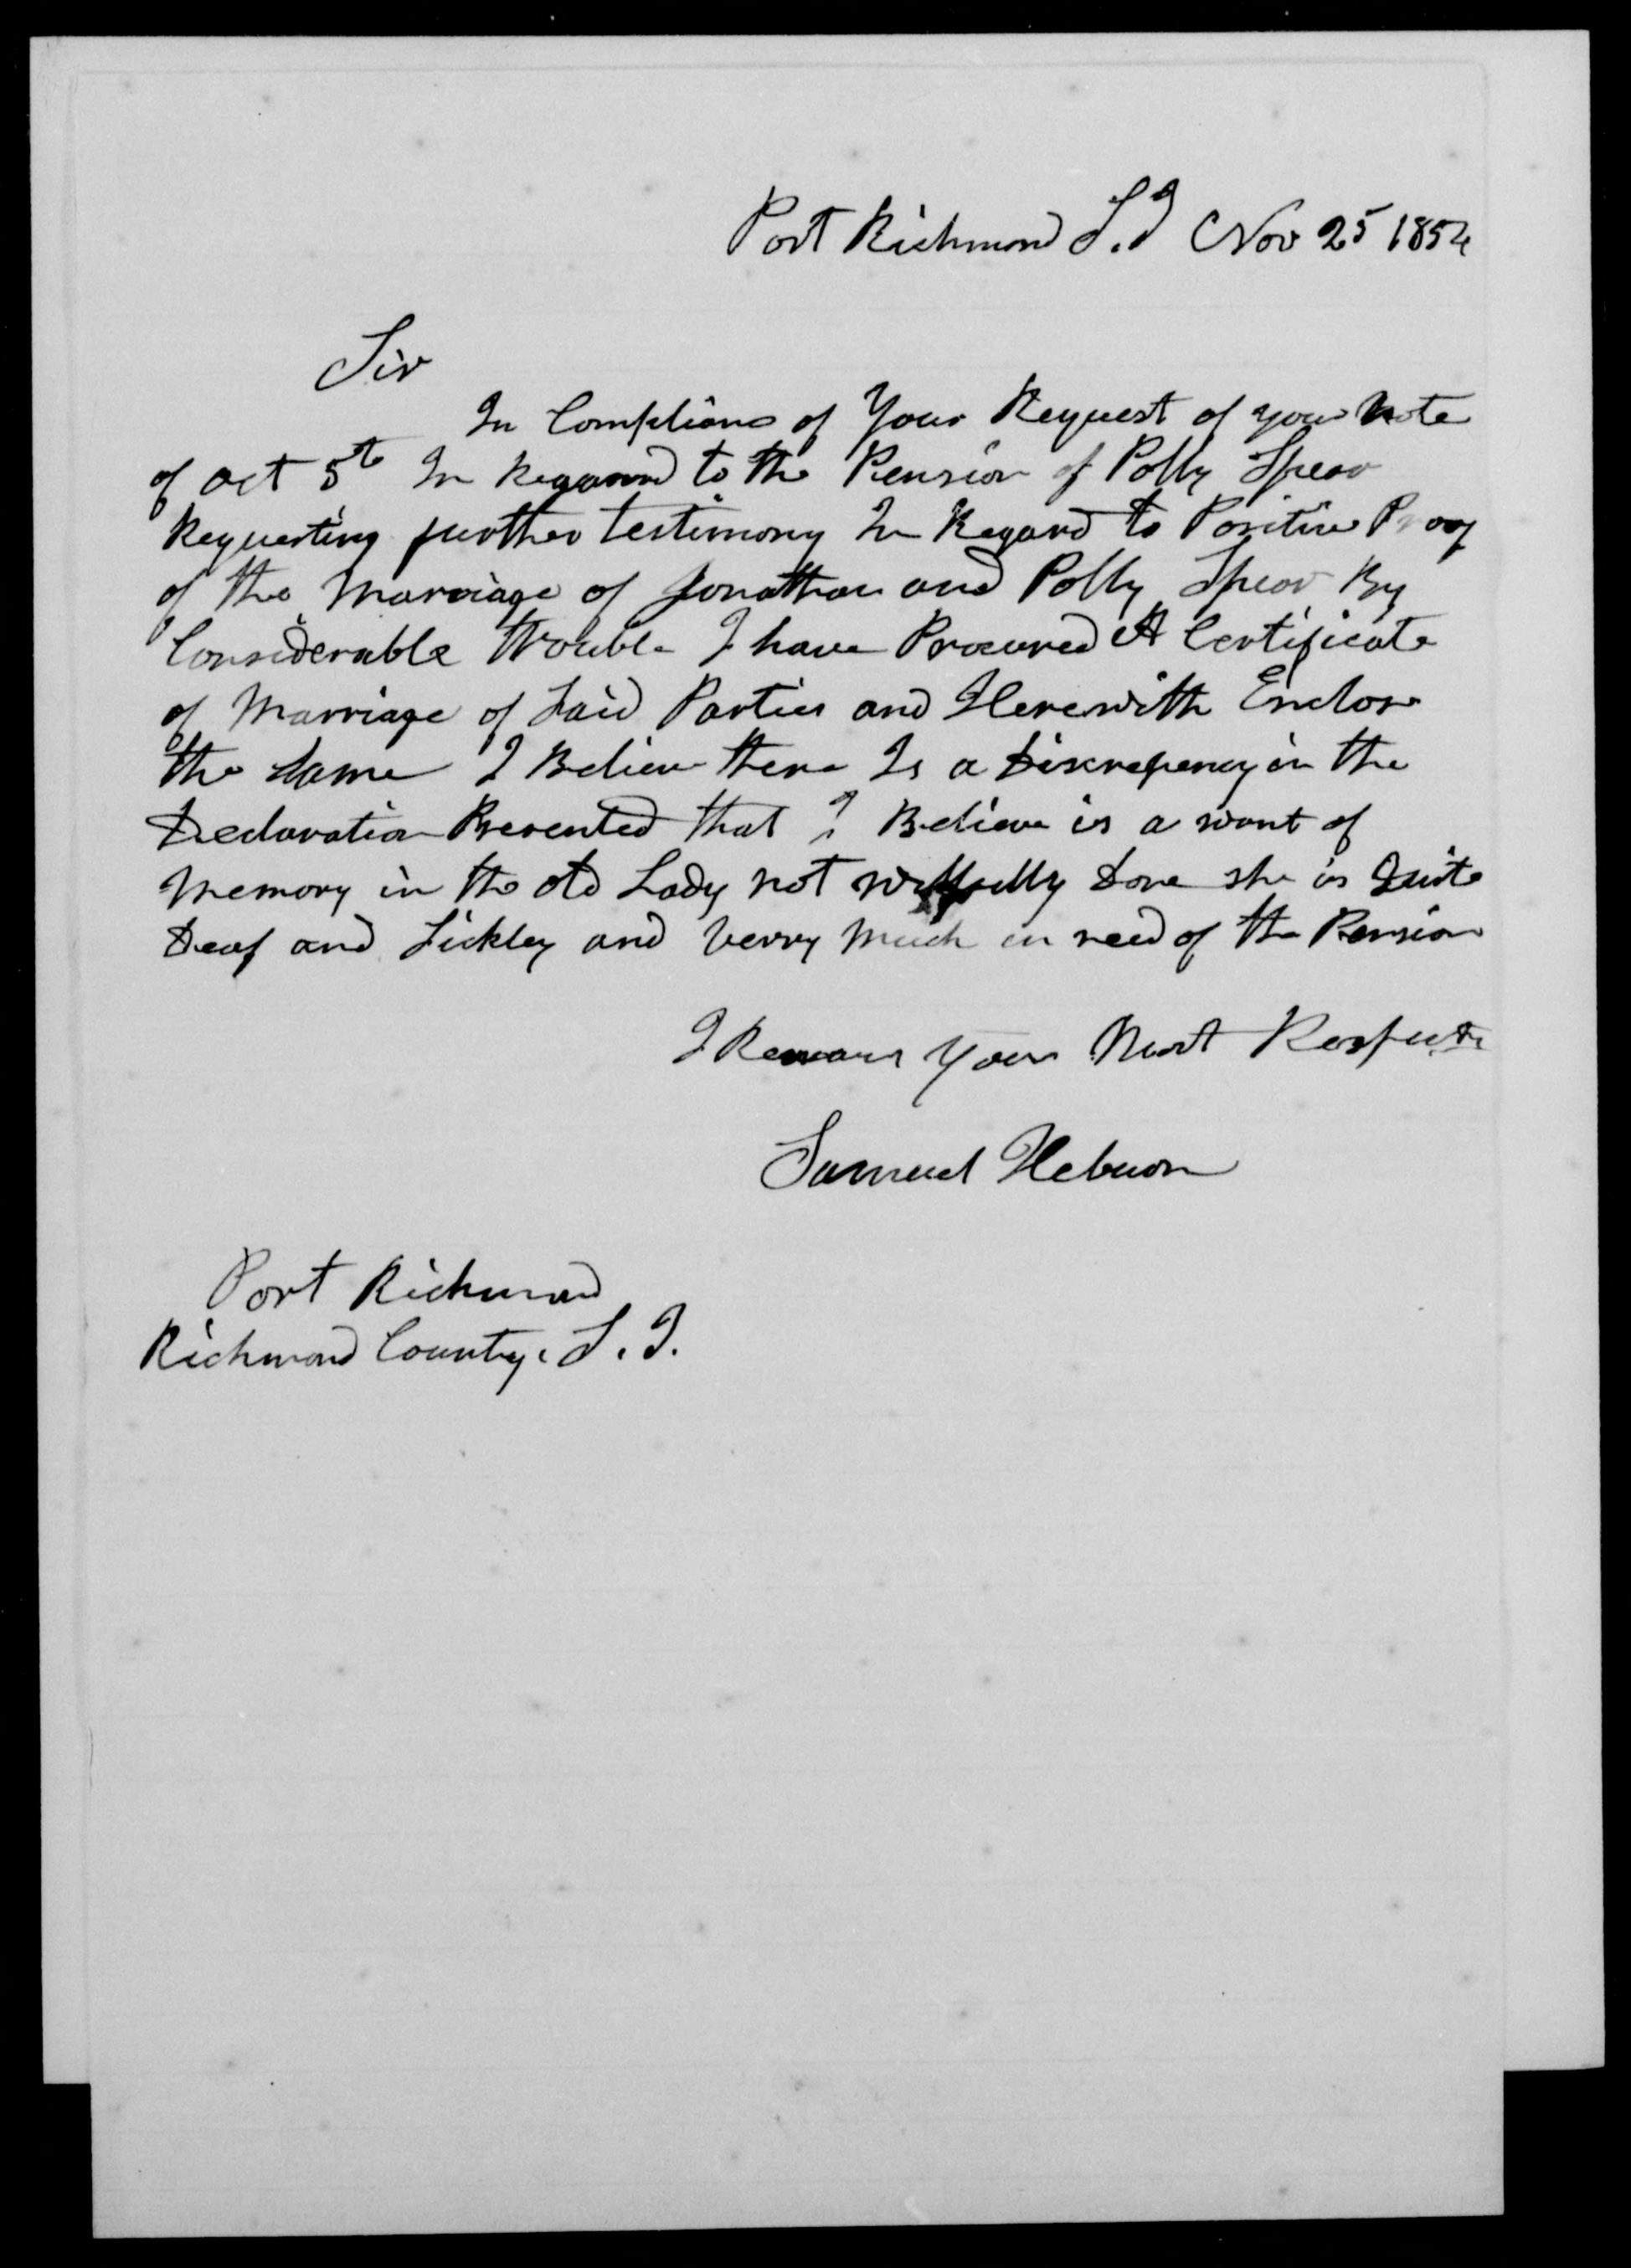Port Richmond SS Nov 25 1854
Sir
In [ ] of your request of your note
of Oct 5th In regard to the Pension of Polly Spear
requesting further testimony in regard to Positive proof
of the Marriage of Jonathan and Polly Spear By
Considerable trouble I have procured a certificate
of Marriage of said Parties and Herewith Enclose the same I believe there is a discrepency in the
Declaration presented that ? believe is a want of
memory in the old Lady not wilfully done she is quite
Deaf and sickley and verry much in need of the Pension
I Remain your Most Respect
Samuel Hebron
Port Richard
Richmond County S.S.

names: Polly Spear; Samuel Heburn; Polly Spear; Jonathan Spear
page: 44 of 65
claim: widow's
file: W. 7197, for Jonathan Spear, Vermont